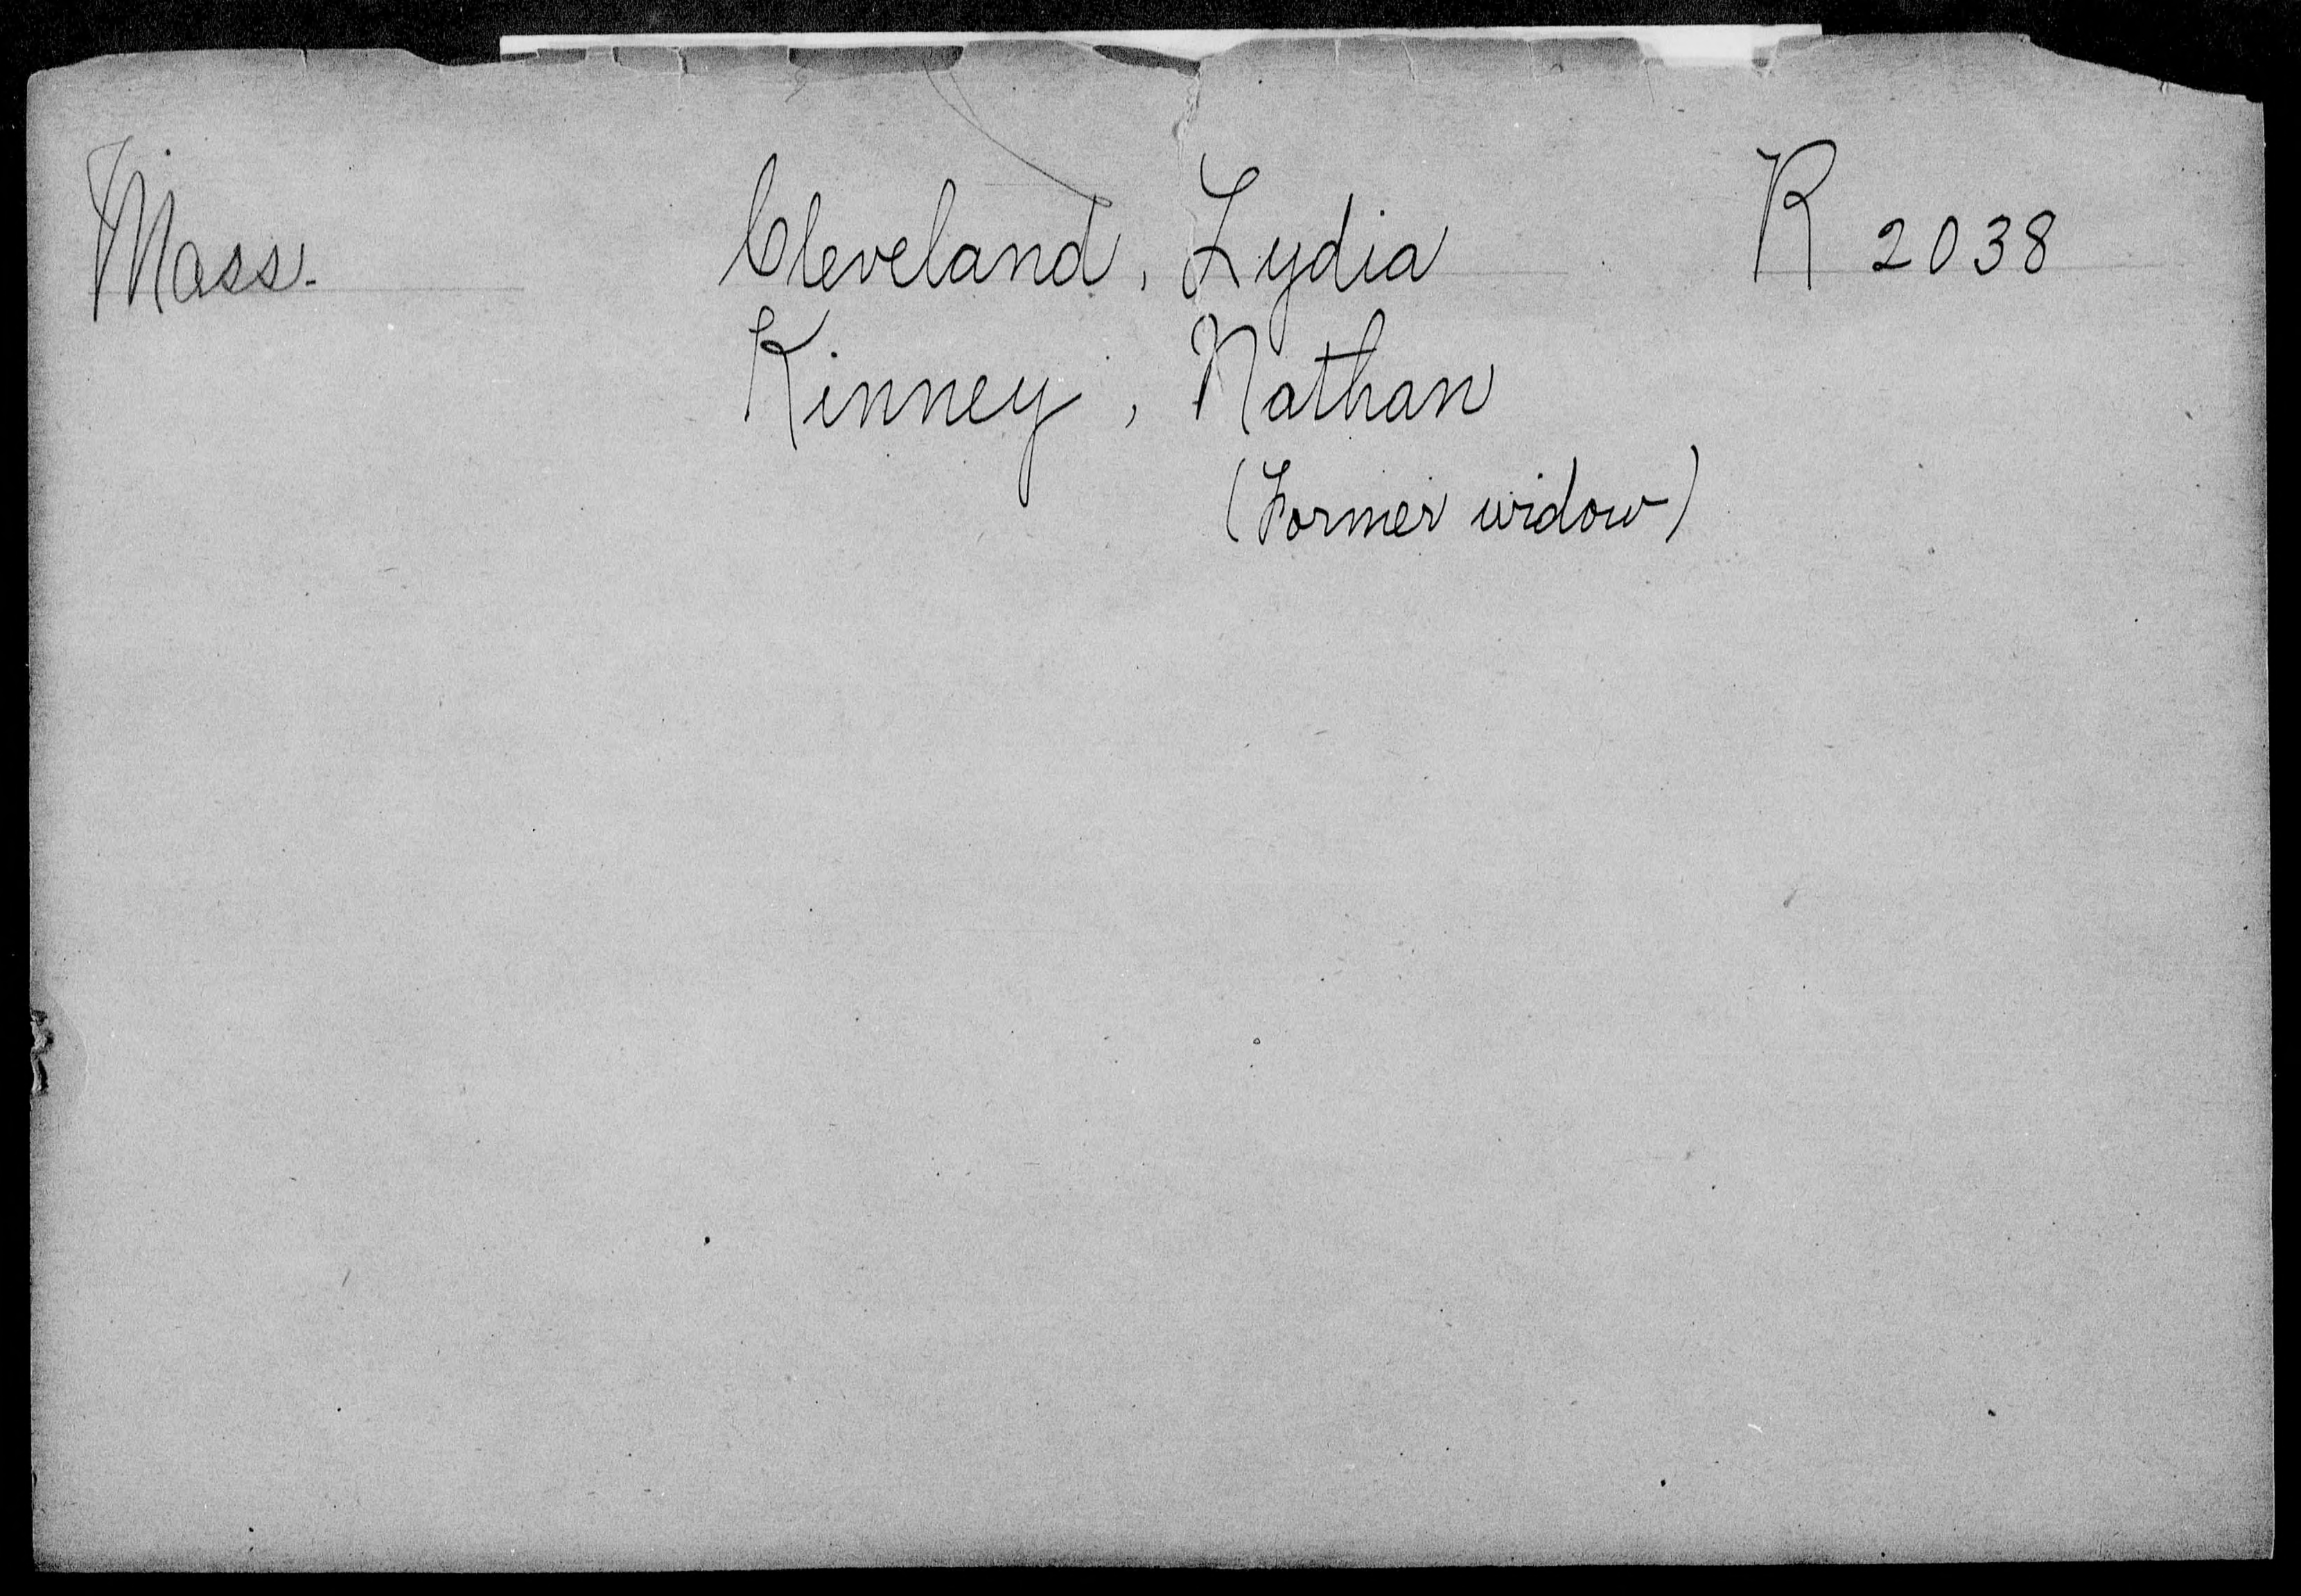Mass.   Cleveland, Lydia    R 2038
Kinney, Nathan
(Former widow)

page: 1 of 1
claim: rejected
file: R 2038, Lydia Cleveland, Mass.